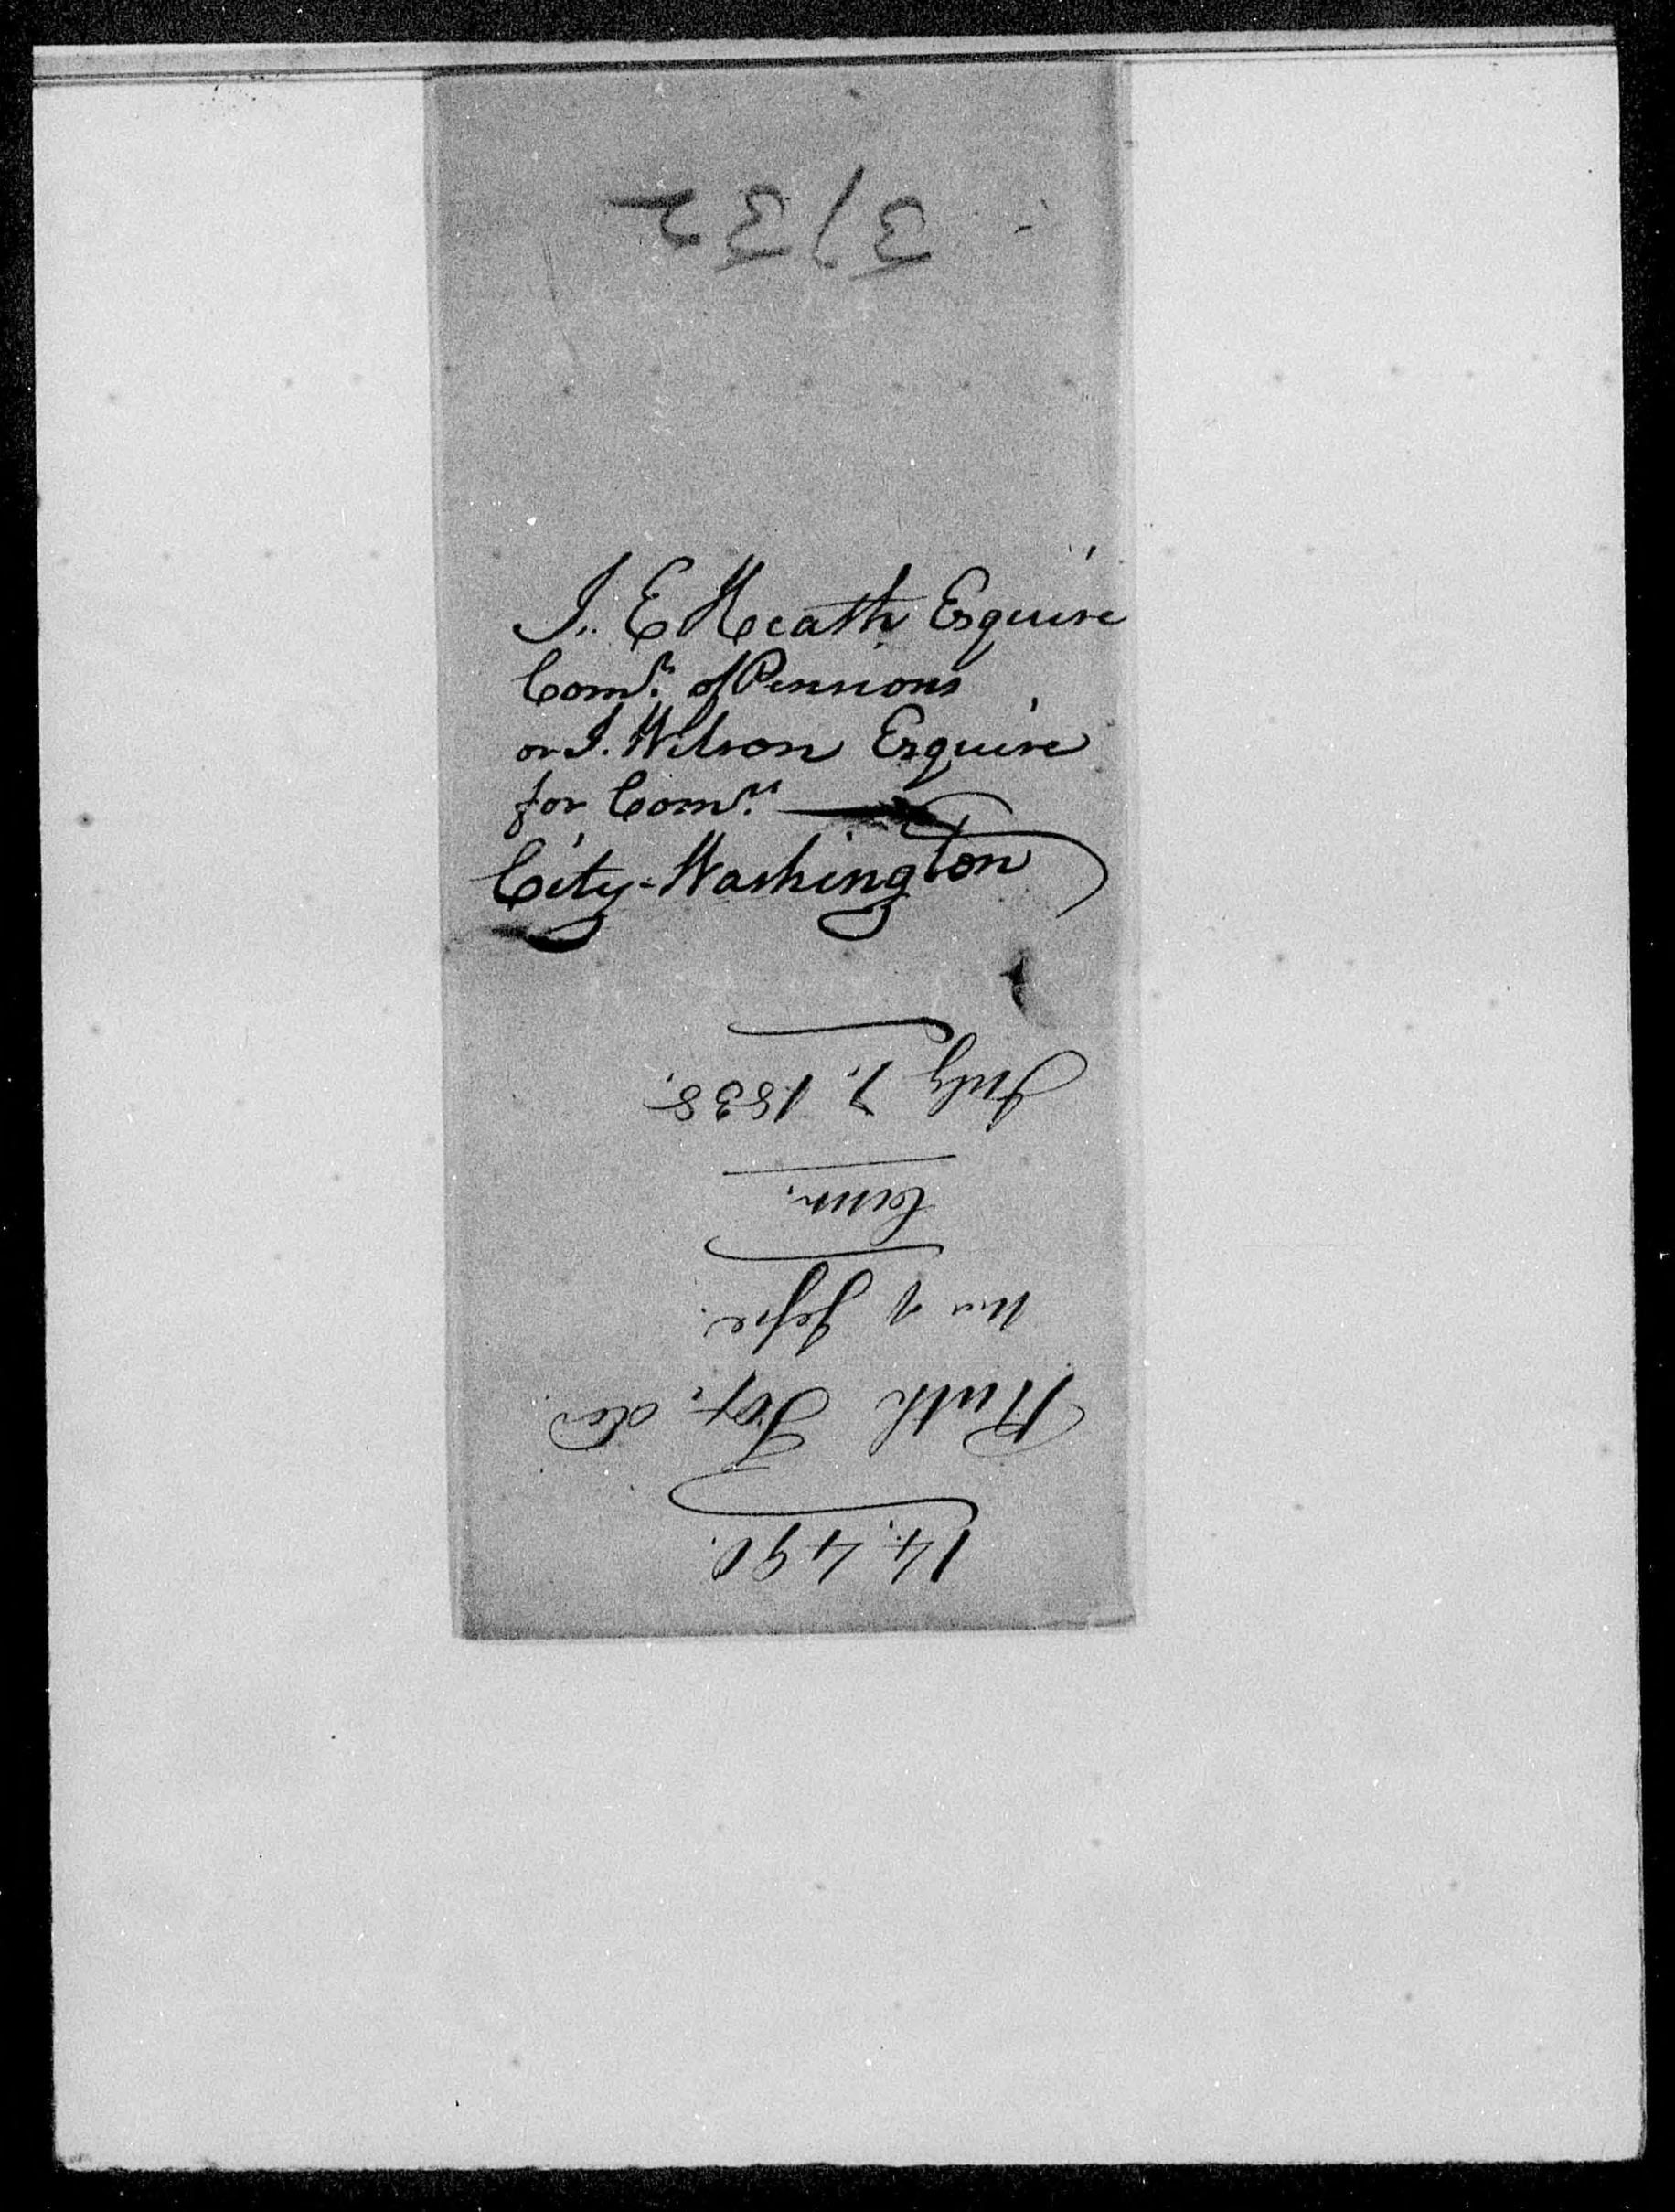J. E. Heath Esquire
Commr. of Pensions
or J. Wilson Esquire
for Commr.
City- Washington


14490 Ruth Fox dec.
wid of Jesse
Conn.
July 7, 1838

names: Jesse Fox, J Wilson, J E Heath, Ruth Fox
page: 50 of 53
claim: rejected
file: R. 3732, Jesse Fox, Conn.